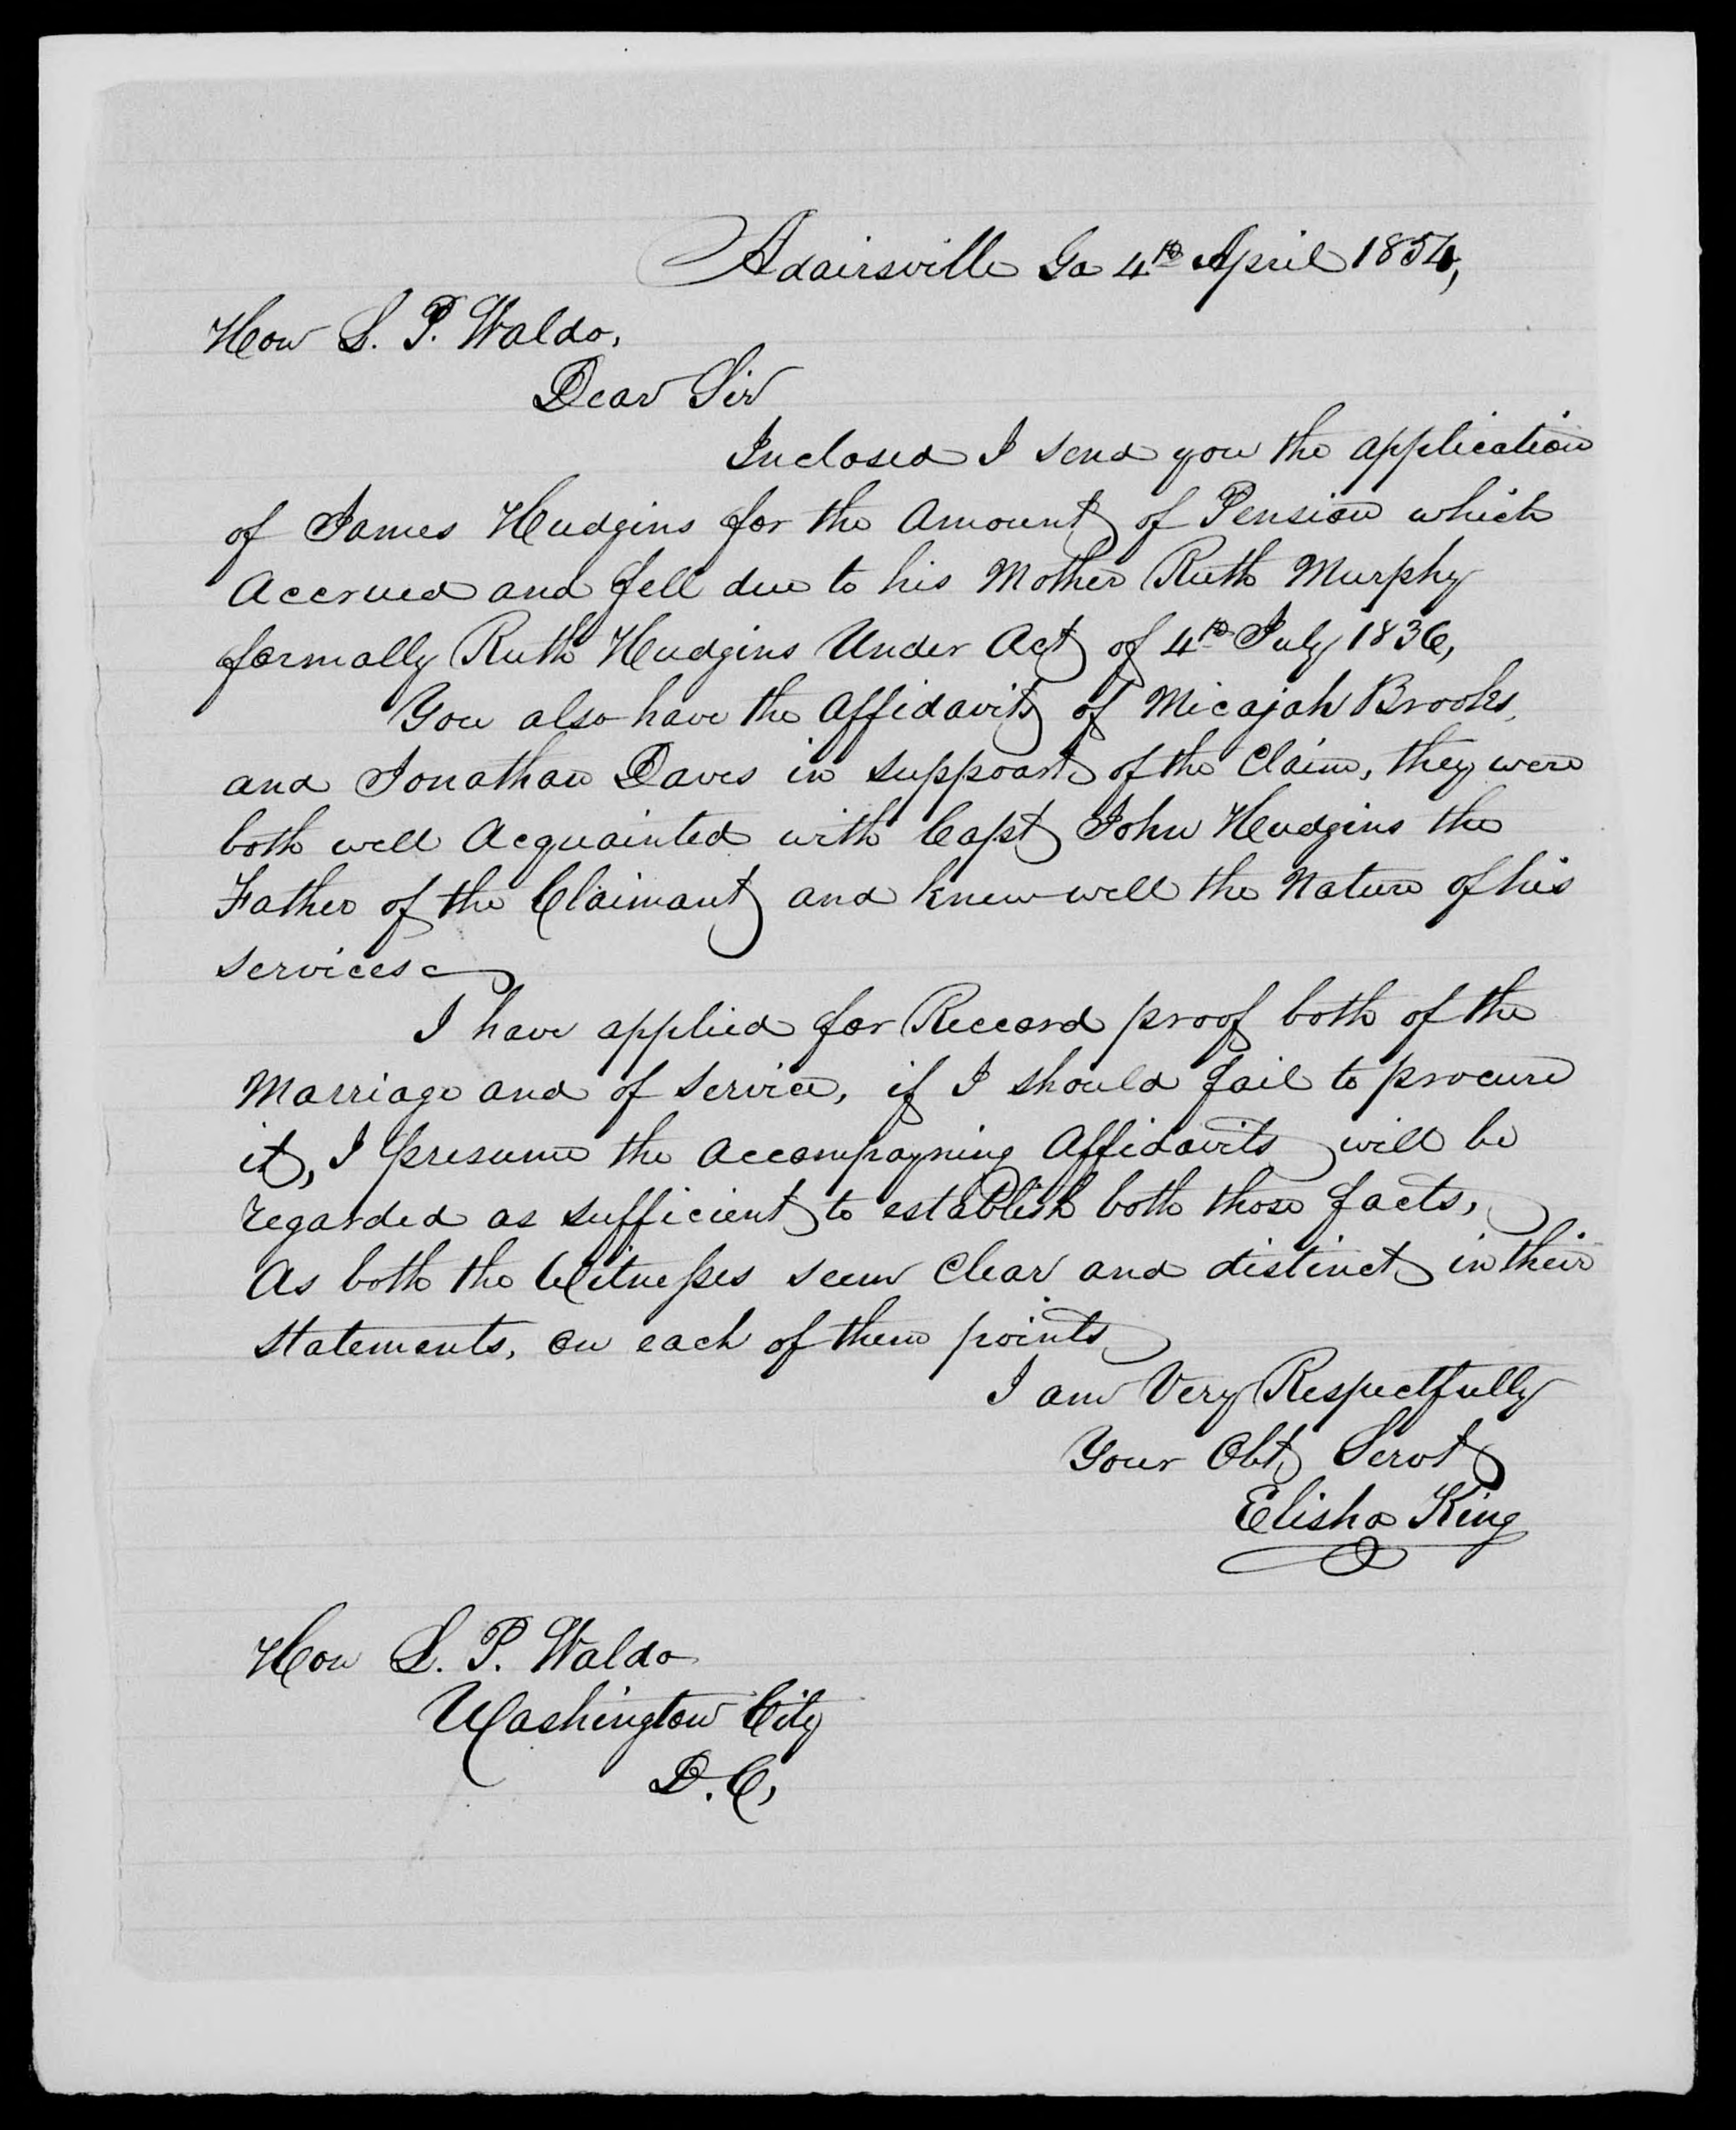Adairsville GA 4 April 1854
Hon S.P. Waldo,
Dear Sir,
Inclosed I send you the application of James Hudgins for the amoung of pension which Accrued and fell due to his mother Ruth Murphy formerly Ruth Hudgins under Act of 4th July 1836.
You also have the affidavits of Micajah Brooks and Jonathan Davis in support of this claim, they were both well acquainted with Capt. John Hudgins the father of the Claimant and knew well the nature of his services.
I have applied for record proof both of the marriage and of service, if I should fail to procure it, I presume the accompanying affidavits will be regarded as sufficient to establish both those facts. As both them believe seem clear and distinct in their statements, on each of their points,
I am very respectfully your obedient servant, Elisha King

Hon. S.P. Waldo
Washington City D.C.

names: Ruth Murphy, John Hudgins, Elisha King, L P Waldo, Micajah Brooks, Jonathan Davis, James Hudgins, Ruth Hudgins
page: 42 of 108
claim: rejected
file: R. 7,515, John Hudgins, N.C.